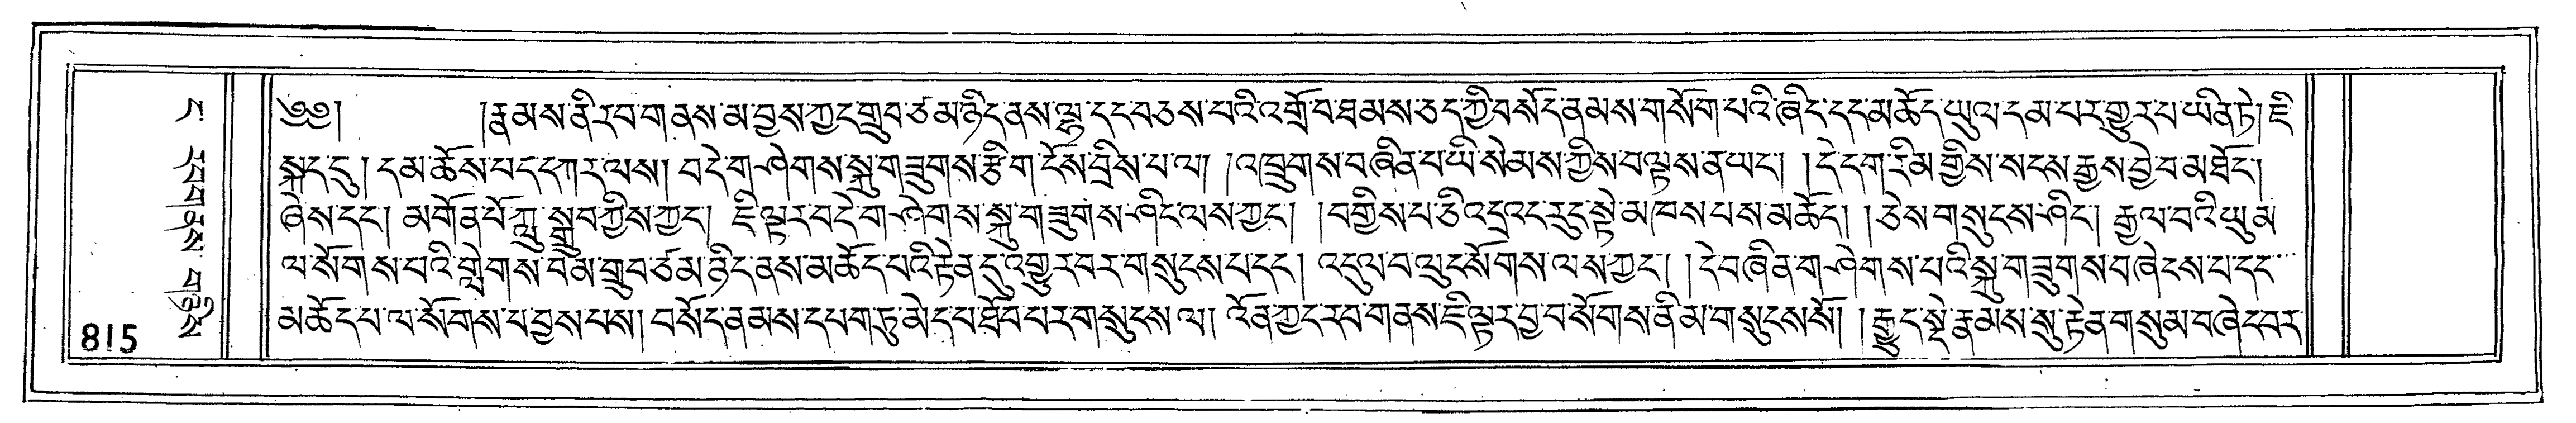༄༅། །རྣམས་ནི་རབ་གནས་མ་བྱས་ཀྱང་གྲུབ་ཙམ་ཉིད་ནས་ལྷ་དང་བཅས་པའི་འགྲོ་བ་ཐམས་ཅད་ཀྱི་བསོད་ནམས་གསོག་པའི་ཞིང་དང་མཆོད་ཡུལ་དམ་པར་གྱུར་པ་ཡིན་ཏེ། ཇི་
སྐད་དུ། དམ་ཆོས་པད་དཀར་ལས། བདེ་གཤེགས་སྐུ་གཟུགས་རྩིག་ངོས་བྲིས་པ་ལ། །འཁྲུགས་བཞིན་པ་ཡི་སེམས་ཀྱིས་བལྟས་ན་ཡང་། །དེ་དག་རིམ་གྱིས་སངས་རྒྱས་བྱེ་བ་མཐོང་།
ཞེས་དང་། མགོན་པོ་ཀླུ་སྒྲུབ་ཀྱིས་ཀྱང་། ཇི་ལྟར་བདེ་གཤེགས་སྐུ་གཟུགས་ཤིང་ལས་ཀྱང་། །བགྱིས་པ་ཅི་འདྲའང་རུང་སྟེ་མཁས་པས་མཆོད། །ཅེས་གསུངས་ཤིང་། རྒྱལ་བའི་ཡུམ་
ལ་སོགས་པའི་གླེགས་བམ་གྲུབ་ཙམ་ཉིད་ནས་མཆོད་པའི་རྟེན་དུ་འགྱུར་བར་གསུངས་པ་དང་། འདུལ་བ་ལུང་སོགས་ལས་ཀྱང་། །དེ་བཞིན་གཤེགས་པའི་སྐུ་གཟུགས་བཞེངས་པ་དང་
མཆོད་པ་ལ་སོགས་པ་བྱས་པས། བསོད་ནམས་དཔག་ཏུ་མེད་པ་ཐོབ་པར་གསུངས་ལ། འོན་ཀྱང་རབ་གནས་ཇི་ལྟར་བྱ་བ་སོགས་ནི་མ་གསུངས་སོ། །རྒྱུད་སྡེ་རྣམས་སུ་རྟེན་གསུམ་བཞེང་བར་